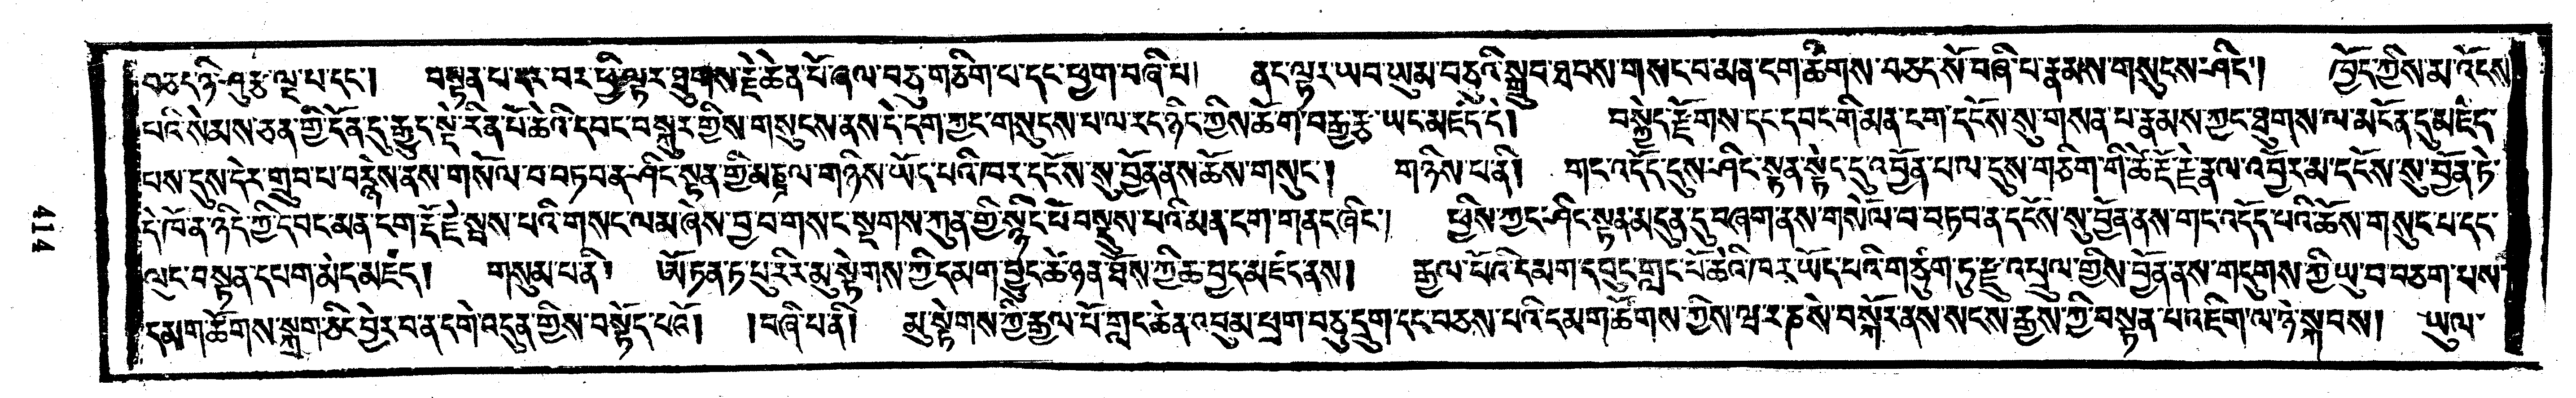བཅད་ཉི་ཤུ་རྩ་ལྔ་པ་དང་། བསྟན་པ་དར་བར་ཕྱི་ལྟར་ཐུགས་རྗེ་ཆེན་པོ་ཞལ་བཅུ་གཅིག་པ་དང་ཕྱག་བཞི་པ། ནང་ལྟར་ཡབ་ཡུམ་བཅུའི་སྒྲུབ་ཐབས་གསང་བ་མན་ངག་ཚིགས་བཅད་སོ་བཞི་པ་རྣམས་གསུངས་ཤིང་། ཁྱོད་ཀྱིས་མ་འོངས་
པའི་སེམས་ཅན་གྱི་དོན་དུ་རྒྱུད་སྡེ་རིན་པོ་ཆེའི་དབང་བསྐུར་གྱིས་གསུངས་ནས་དེ་དག་ཀྱང་གསུངས་པ་ལ་རང་ཉིད་ཀྱིས་ཆོ་ག་བརྒྱ་རྩ་ཡང་མཛད་དེ། བསྐྱེད་རྫོགས་དང་དབང་གི་མན་ངག་དངོས་སུ་གསན་པ་རྣམས་ཀྱང་ཐུགས་ལ་མངོན་དུ་མཛད་
པས་དུས་དེར་གྲུབ་པ་བརྙེས་ནས་གསོལ་བ་བཏབ་ན་ཤིང་སྟན་གྱི་མཎྜལ་གཉིས་ཡོད་པའི་ཁར་དངོས་སུ་བྱོན་ནས་ཆོས་གསུང་། གཉིས་པ་ནི། གང་འདོད་དུས་ཤིང་སྟན་སྟེང་དུ་འབྱོན་པ་ལ་དུས་གཅིག་གི་ཚེ་རྡོ་རྗེ་རྣལ་འབྱོར་མ་དངོས་སུ་བྱོན་ཏེ་
དེ་ཁོ་ན་ཉིད་ཀྱི་དབང་མན་ངག་རྡོ་རྗེ་སྦས་པའི་གསང་ལམ་ཞེས་བྱ་བ་གསང་སྔགས་ཀུན་གྱི་སྙིང་པོ་བསྡུས་པའི་མན་ངག་གནང་ཞིང་། ཕྱིས་ཀྱང་ཤིང་སྟན་མདུན་དུ་བཞག་ནས་གསོལ་བ་བཏབ་ན་དངོས་སུ་བྱོན་ནས་གང་འདོད་པའི་ཆོས་གསུང་པ་དང་
ལུང་བསྟན་དཔག་མེད་མཛད། གསུམ་པ་ནི། ཨོ་ཏན་ཏ་པུ་རིར་མུ་སྟེགས་ཀྱི་དམག་བྱུང་ཚེ་ཉན་ཐོས་ཀྱི་ཆ་བྱད་མཛད་ནས། རྒྱལ་པོའི་དམག་དཔུང་གླང་པོ་ཆེའི་ཁར་ཡོད་པའི་གཙུག་ཏུ་རྫུ་འཕྲུལ་གྱིས་བྱོན་ནས་གདུགས་ཀྱི་ཡུ་བ་བཅག་པས་
དམག་ཚོགས་སྐྲག་ཅིང་བྱེར་བ་ན་དགེ་འདུན་གྱིས་བསྟོད་པའོ། །བཞི་པ་ནི། མུ་སྟེགས་ཀྱི་རྒྱལ་པོ་གླང་ཆེན་འབུམ་ཕྲག་བཅུ་དྲུག་དང་བཅས་པའི་དམག་ཚོགས་ཀྱིས་ཝ་ར་ཎ་སེ་བསྐོར་ནས་སངས་རྒྱས་ཀྱི་བསྟན་པ་འཇིག་ལ་ཉེ་སྐབས། ཡུལ་